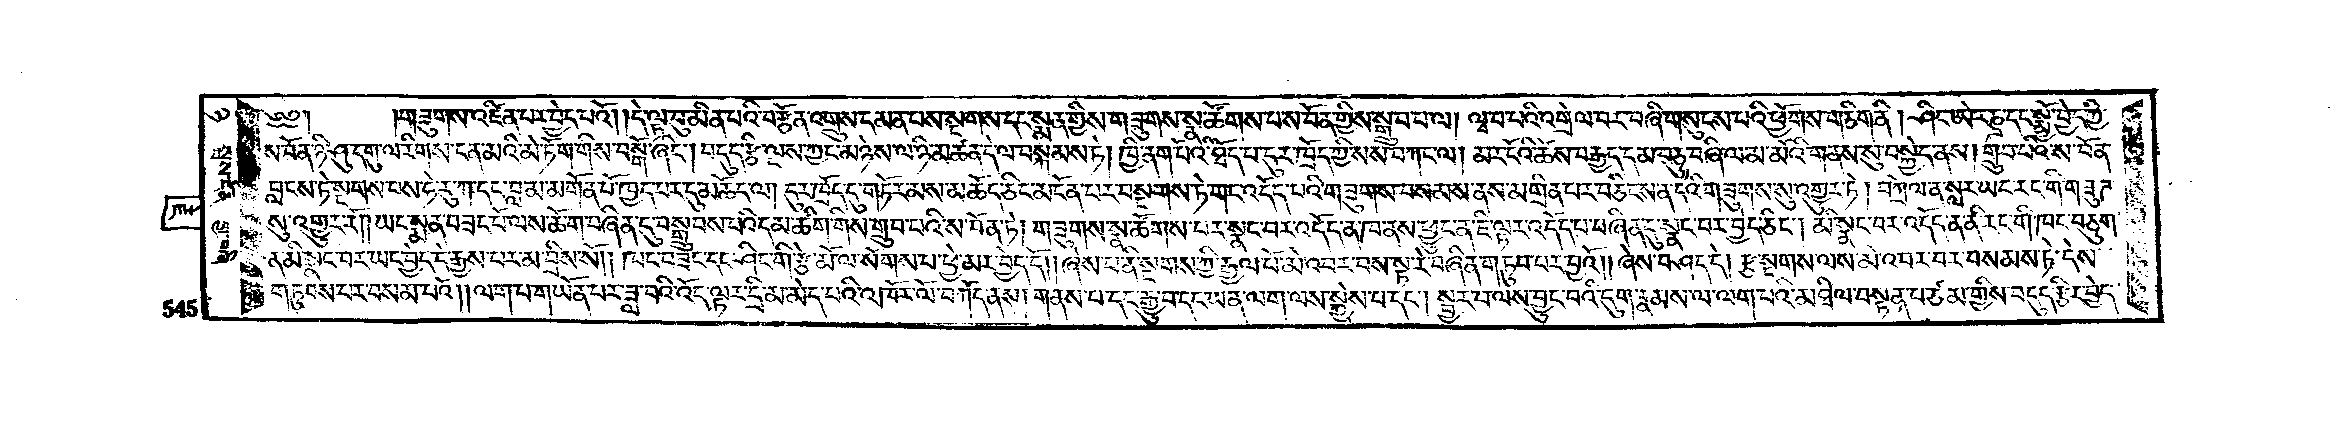༄༅། །གཟུགས་འཛིན་པར་བྱེད་པའོ། །དེ་ལྟ་བུ་མིན་པའི་བརྩོན་འགྲུས་དམན་པས་སྔགས་དང་སྨན་གྱིས་གཟུགས་སྣ་ཚོགས་པ་ས་བོན་གྱིས་སྒྲུབ་པ་ལ། ལྭ་བ་པའི་འགྲེལ་པར་བཞི་གསུངས་པའི་ཕྱོགས་གཅིག་ནི། ཤིང་ཨེ་རཎྜ་དང་སྨྱོ་བྱེད་ཀྱི་
ས་བོན་ཉི་ཤུ་དགུ་ལ་རིགས་ངན་མའི་མེ་ཏོག་གིས་བསྒོ་ཞིང་། བདུད་རྩི་ལྔས་ཀྱང་མཉེས་ལ་ཉི་མཚན་དེ་ལ་བསྐམས་ཏེ། ཁྱི་ནག་པོའི་ཐོད་པ་དུར་ཁྲོད་ཀྱི་སས་བཀང་ལ། མར་ངོའི་ཚེས་བརྒྱད་དམ་བཅུ་བཞི་ལ་མ་མོའི་གནས་སུ་བསྐྱེད་ནས། གྲུབ་པའི་ས་བོན་
བླངས་ཏེ་སྔགས་པས་ཧེ་རུ་ཀ་དང་བླ་མ་མགོན་པོ་ཁྱད་པར་དུ་མཆོད་ལ། དུར་ཁྲོད་དུ་གཏོར་མས་མཆོད་ཅིང་མངོན་པར་བསྔགས་ཏེ་གང་འདོད་པའི་གཟུགས་བསམས་ནས་མགྲིན་པར་བཅིངས་ན་དེའི་གཟུགས་སུ་འགྱུར་ཏེ། བཀྲོལ་ན་སླར་ཡང་རང་གི་གཟུགས་
སུ་འགྱུར་རོ། །ཡང་སྨན་བཟང་པོ་ལས་ཆོ་ག་བཞིན་དུ་བསྒྲུབས་པའི་དམ་ཚིག་གིས་གྲུབ་པའི་ས་བོན་ཏེ། གཟུགས་ན་ཚོགས་པར་སྣང་བར་འདོད་ན་ཁ་ནས་ཕྱུང་ན་ཇི་ལྟར་འདོད་པ་བཞིན་དུ་སྣང་བར་བྱེད་ཅིང་། མི་སྣང་བར་འདོད་ན་ནི་རང་གི་ཁར་བཅུག་
ན་མི་སྣང་བར་ཡང་བྱེད་དེ་རྒྱས་པར་མ་བྲིས་སོ། །ཁང་བཟང་དང་ཤིང་གི་རྩེ་མོ་ལ་སོགས་པ་ཕྱེ་མར་བྱེད་དོ། །ཞེས་པ་ནི་སྔགས་ཀྱི་རྒྱལ་པོ་མེ་འབར་བས་སྟ་རེ་བཞིན་གཏུབ་པར་བྱའོ། །ཞེས་བཤད་དེ། རྩ་སྔགས་ལས་མེ་འབར་བར་བསམས་ཏེ་དེས་
གཏུབས་པར་བསམ་པའོ། །ལག་པ་གཡོན་པར་ཟླ་བའི་འོད་ལྟར་དྲི་མ་མེད་པའི་འཁོར་ལོ་བཀོད་ནས། གནས་པ་དང་རྒྱུ་བ་དང་ཡན་ལག་ལས་སྐྱེས་པ་དང་། སྦྱར་བ་ལས་བྱུང་བའི་དུག་རྣམས་ལ་ལག་པའི་མཐིལ་བསྟན་པ་ཙམ་གྱིས་བདུད་རྩིར་བྱེད་